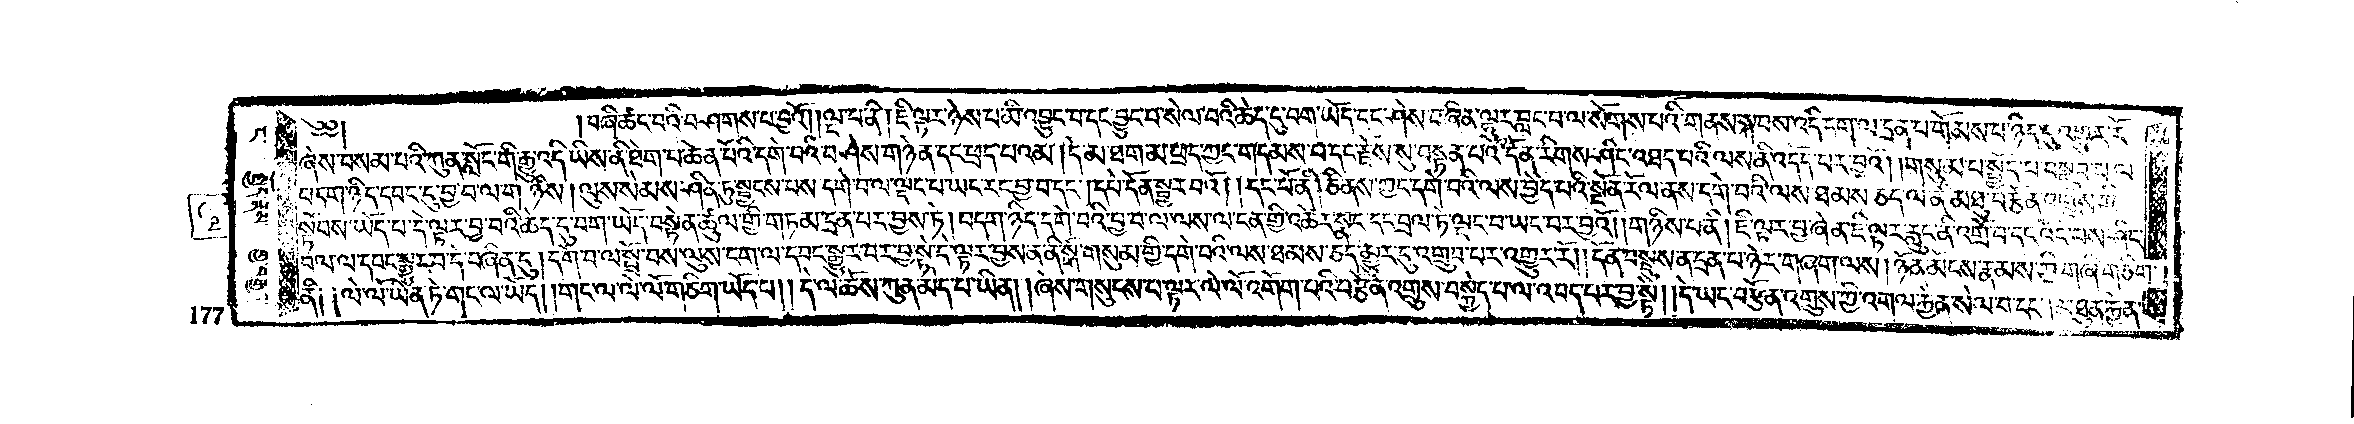༄༅། །བཞི་ཚང་བའི་བཤགས་པ་བྱའོ། །ལང་པ་ནི། ཇི་ལྟར་ཉེས་པ་མི་འབྱུང་བ་དང་བྱུང་བ་སེལ་བའི་ཆེ་དུ་བག་ཡོད་དང་ཤེས་བཞིན་ལྷུར་བླང་བ་ལ་སོགས་པའི་གནས་སྐབས་འདི་དག་ལ་དྲན་པ་གོམས་པ་ཉིད་དུ་འགྱུར་རོ་
ཞེ་བསམ་པའི་ཀུན་སློང་གི་རྒྱུ་འདི་ཡིས་ནི་ཐེག་པ་ཆེན་པོའི་དགེ་བའི་བཤེས་གཉེན་དང་ཕྲད་པའམ། དེ་མ་ཐག་མ་ཕྲད་ཀྱང་གདམས་པ་དང་རྫོས་སུ་བསྟན་པའི་དོན་རིགས་ཤིང་འཐད་པའི་ལས་ནི་འདོད་པར་བྱའོ། །གསུམ་པ་སྤྱོད་པ་བསྒྲུབ་པ་ལ་
བདག་ཉིད་དབང་དུ་བྱ་བ་ལ་གཉིས། ལུས་སེམས་ཤིན་ཏུ་སྦྱངས་པས་དགེ་བ་ལ་ལྡང་བ་ཡང་རང་བྱ་བ་དང་། དཔེ་དོན་སྦྱར་བའོ། །དང་པོ་ནི། ཅི་ནས་ཀྱང་དགེ་བའི་ལས་བྱེད་པའི་སྔོན་རོལ་ནས་དགེ་བའི་ལས་ཐམས་ཅད་ལ་ནི་མཐུ་བརྩོན་འགྲུས་ཀྱི་
སྟོབས་ཡོད་པ་དེ་ལྟར་བྱ་བའི་ཆེད་དུ་བག་ཡོད་བསྟེན་ཚུལ་གྱི་གཏམ་དྲན་པར་བྱས་ཏེ། བདག་ཉིད་དགེ་བའི་བྱ་བ་ལ་ལས་ལ་ངན་གྱི་འཚེར་སྣང་དང་བྲལ་ཏེ་ལྡང་བ་ཡང་བར་བྱའོ། །གཉིས་པ་ནི། ཇི་ལྟར་བྱ་ཞེ་ན་ཇི་ལྟར་རླུང་ནི་འགྲོ་བ་དང་འོང་བས་ཤིང་
བལ་ལ་དབང་སྒྱུར་བ་དེ་བཞིན་དུ། དགེ་བ་ལ་སྤྲོ་བས་ལུས་ངག་ལ་དབང་སྒྱུར་བར་བྱ་སྟེ་དེ་ལྟར་བྱས་ན་ནི་སྒོ་གསུམ་གྱི་དགེ་བའི་ལས་ཐམས་ཅད་མྱུར་དུ་འགྲུབ་པར་འགྱུར་རོ། །དོན་བསྡུས་ན་དྲན་པ་ཉེར་གཞག་ལས། ཉོན་མོངས་རྣམས་ཀྱི་གཞི་གཅིག་
ནི༑ ༑ལེ་ལོ་ཡིན་ཏེ་གང་ལ་ཡོད། །གང་ལ་ལེ་ལོ་གཅིག་ཡོད་པ། །དེ་ལ་ཆོས་ཀུན་མེད་པ་ཡིན། །ཞེས་གསུངས་པ་ལྟར་ལེ་ལོ་འགོག་པའི་བརྩོན་འགྲུས་བསྐྱེད་པ་ལ་འབད་པར་བྱ་སྟེ། དེ་ཡང་བརྩོན་འགྲུས་ཀྱི་འགལ་རྐྱེན་སེལ་བ་དང་། མཐུན་རྐྱེན་